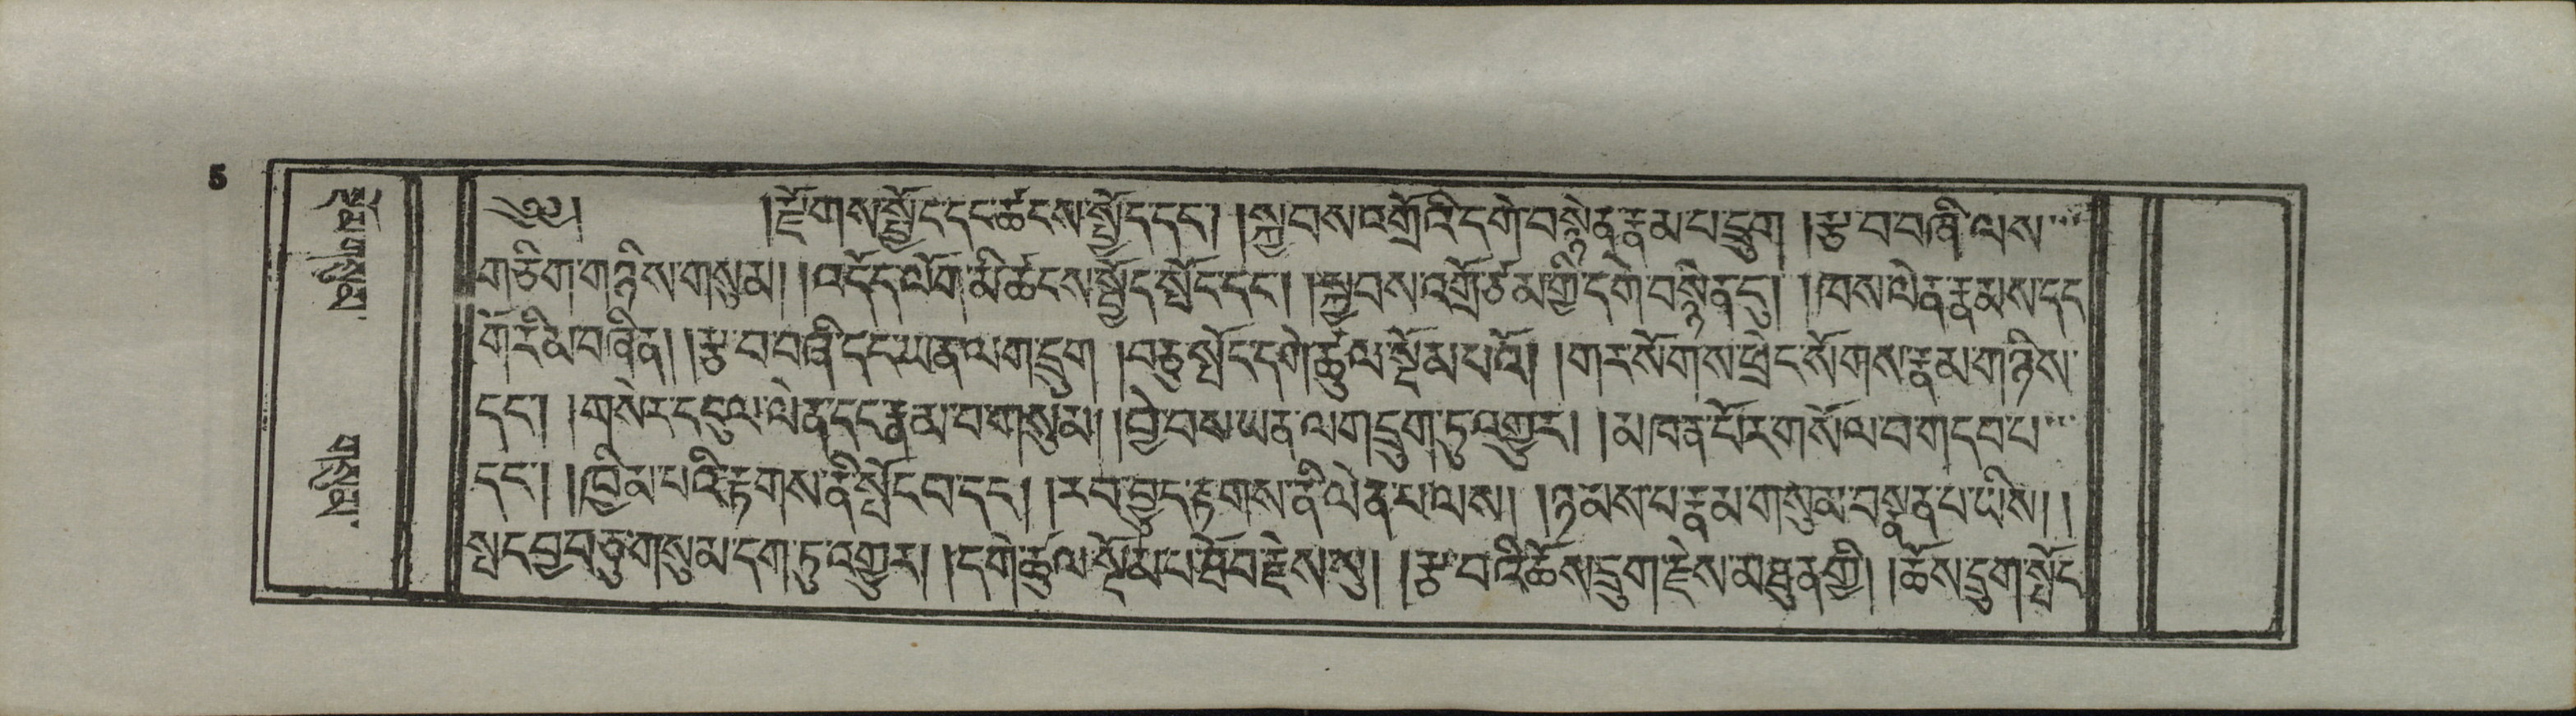༄༅། །རྫོགས་སྤྱོད་དང་ཚངས་སྤྱོད་དང་། །སྐྱབས་འགྲོའི་དགེ་བསྙེན་རྣམ་པ་དྲུག །རྩ་བ་བཞི་ལས་
གཅིག་གཉིས་གསུམ། །འདོད་ལོག་མི་ཚངས་སྤྱོད་སྤོང་དང་། །སྐྱབས་འགྲོ་ཙམ་གྱི་དགེ་བསྙེན་དུ། །ཁས་ལེན་རྣམས་དང་
གོ་རིམ་བཞིན། །རྩ་བ་བཞི་དང་ཡན་ལག་དྲུག །བཅུ་སྤོང་དགེ་ཚུལ་སྡོམ་པའོ། །གར་སོགས་ཕྲེང་སོགས་རྣམ་གཉིས་
དང་། །གསེར་དངུལ་ལེན་དང་རྣམ་པ་གསུམ། །བྱེ་བས་ཡན་ལག་དྲུག་ཏུ་འགྱུར། །མཁན་པོར་གསོལ་བ་གདབ་པ་
དང་། །ཁྱིམ་པའི་རྟགས་ནི་སྤོང་བ་དང་། །རབ་བྱུང་རྟགས་ནི་ལེན་པ་ལས། །ཉམས་པ་རྣམ་གསུམ་བསྣན་པ་ཡིས།།
སྤང་བྱ་བཅུ་གསུམ་དག་ཏུ་འགྱུར། །དགེ་ཚུལ་སྡོམ་པ་ཐོབ་རྗེས་སུ། །རྩ་བའི་ཆོས་དྲུག་རྗེས་མཐུན་གྱི། །ཆོས་དྲུག་སྤོང་